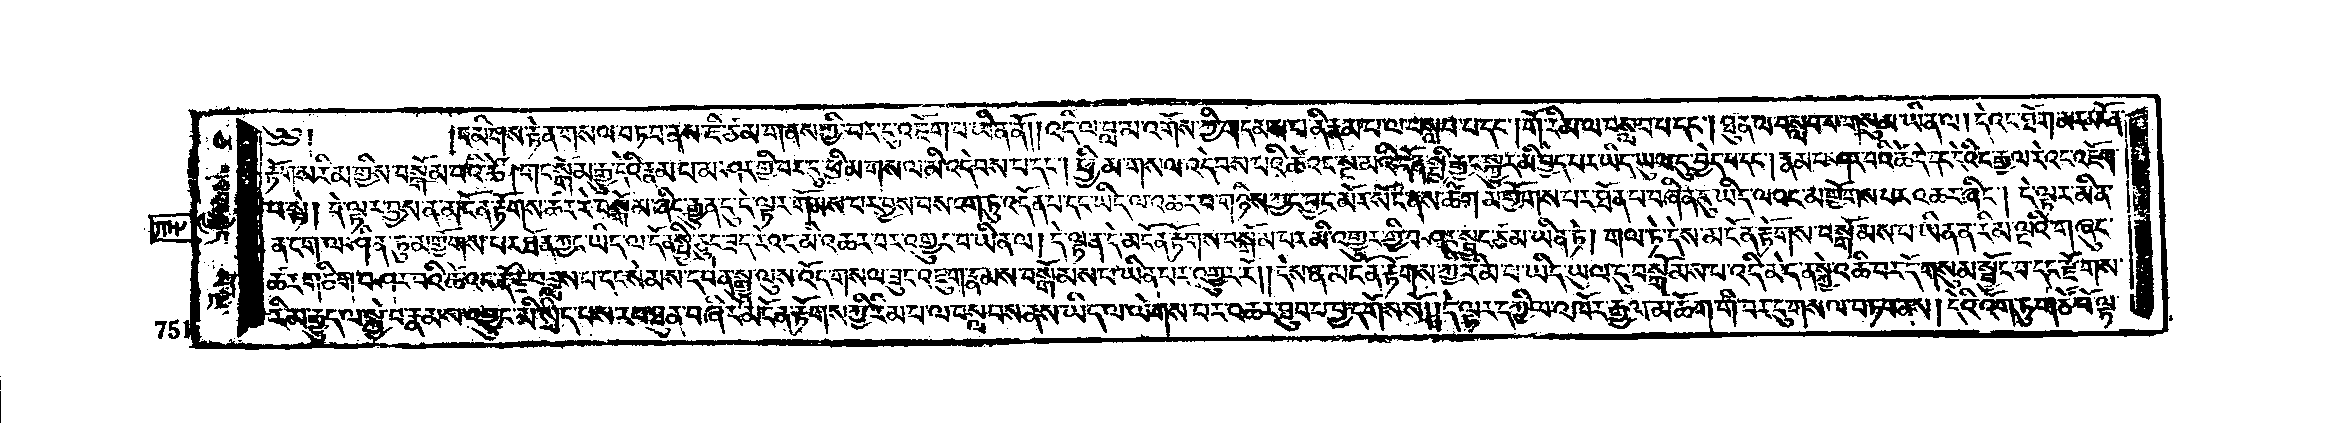༄༅། །དམིགས་རྟེན་གསལ་བཏབ་ནས་ཇི་ཙམ་གནས་ཀྱི་བར་དུ་འཇོག་པ་ཡིན་ནོ། །འདི་ལ་བླ་མ་འགོས་ཀྱི་གདམས་པ་ནི་རྣམ་པ་ལ་བསླབ་པ་དང་། གོ་རིམ་ལ་བསླབ་པ་དང་། ཐུན་ལ་བསླབ་པ་གསུམ་ཡིན་ལ། དེའང་ཐོག་མར་མངོན་
རྟོགས་རིམ་གྱིས་བསྒོམ་པའི་ཚེ། གང་སྒོམ་རྒྱུ་དེའི་རྣམ་པ་མ་ཤར་གྱི་བར་དུ་ཕྱི་མ་གསལ་མི་འདེབས་པ་དང་། ཕྱི་མ་གསལ་འདེབས་པའི་ཚེའང་སྔ་མའི་དོན་སྤྱི་རྒྱང་སྒྱུར་མི་བྱེད་པར་ཡིད་ཡུལ་དུ་བྱེད་པ་དང་། རྣམ་པ་ཤར་བའི་ཚེ་དེ་དང་དེའི་ང་རྒྱལ་རེའང་འཇོག་
པ་སྟེ། དེ་ལྟར་བྱས་ན་མངོན་རྟོགས་ཚར་རེ་བསྒོམ་ཞིང་རྒྱུན་དུ་དེ་ལྟར་གོམས་པར་བྱས་པས་ངག་ཏུ་འདོན་པ་དང་ཡིད་ལ་འཆར་བ་གཉིས་ཀྱང་བྱང་མོར་སོང་ནས་ཚིག་མགྱོགས་པར་ཐོན་པ་བཞིན་དུ་ཡིད་ལའང་མགྱོགས་པར་འཆར་ཞིང་། དེ་ལྟར་མིན་
ན་ངག་ལ་ཤིན་ཏུ་མགྱོགས་པར་ཐོན་ཀྱང་ཡིད་ལ་དོན་སྤྱི་ཅུང་ཟད་རེའང་མི་འཆར་བར་འགྱུར་བ་ཡིན་ལ། དེ་ལྟ་ན་དེ་མངོན་རྟོགས་བསྒོམ་པར་མི་འགྱུར་གྱི་བཤར་སྦྱང་ཙམ་ཡིན་ཏེ། གལ་ཏེ་དེས་མངོན་རྟོགས་བསྒོམས་པ་ཡིན་ན་རིམ་ལྔའི་གཞུང་
ཚར་གཅིག་བཤར་བའི་ཚེ་འང་རྡོ་རྗེ་བཟླས་པ་དང་སེམས་དབེན་སྒྱུ་ལུས་འོད་གསལ་ཟུང་འཇུག་རྣམས་བསྒོམས་པ་ཡིན་པར་འགྱུར་རོ། །དེས་ན་མངོན་རྟོགས་ཀྱི་རིམ་པ་ཡིད་ཡུལ་དུ་བསྒོམས་པ་འདི་མེད་ན་སྐྱེ་འཆི་བར་དོ་གསུམ་སྦྱོང་བ་དང་རྫོགས་
རིམ་རྒྱུད་ལ་སྐྱེ་བ་རྣམས་འབྱུང་མི་སྲིད་པས་རབ་ཐུན་བཞིར་མངོན་རྟོགས་ཀྱི་རིམ་པ་ལ་བསླབས་ནས་ཡིད་ལ་ལེགས་པར་འཆར་ཐུབ་པ་བྱ་དགོས་སོ། །དེ་ལྟར་དཀྱིལ་འཁོར་རྒྱལ་མཆོག་གི་བར་དུ་གསལ་བཏབ་ནས། དེའི་འོག་ཏུ་གཙོ་བོ་ལྟ་